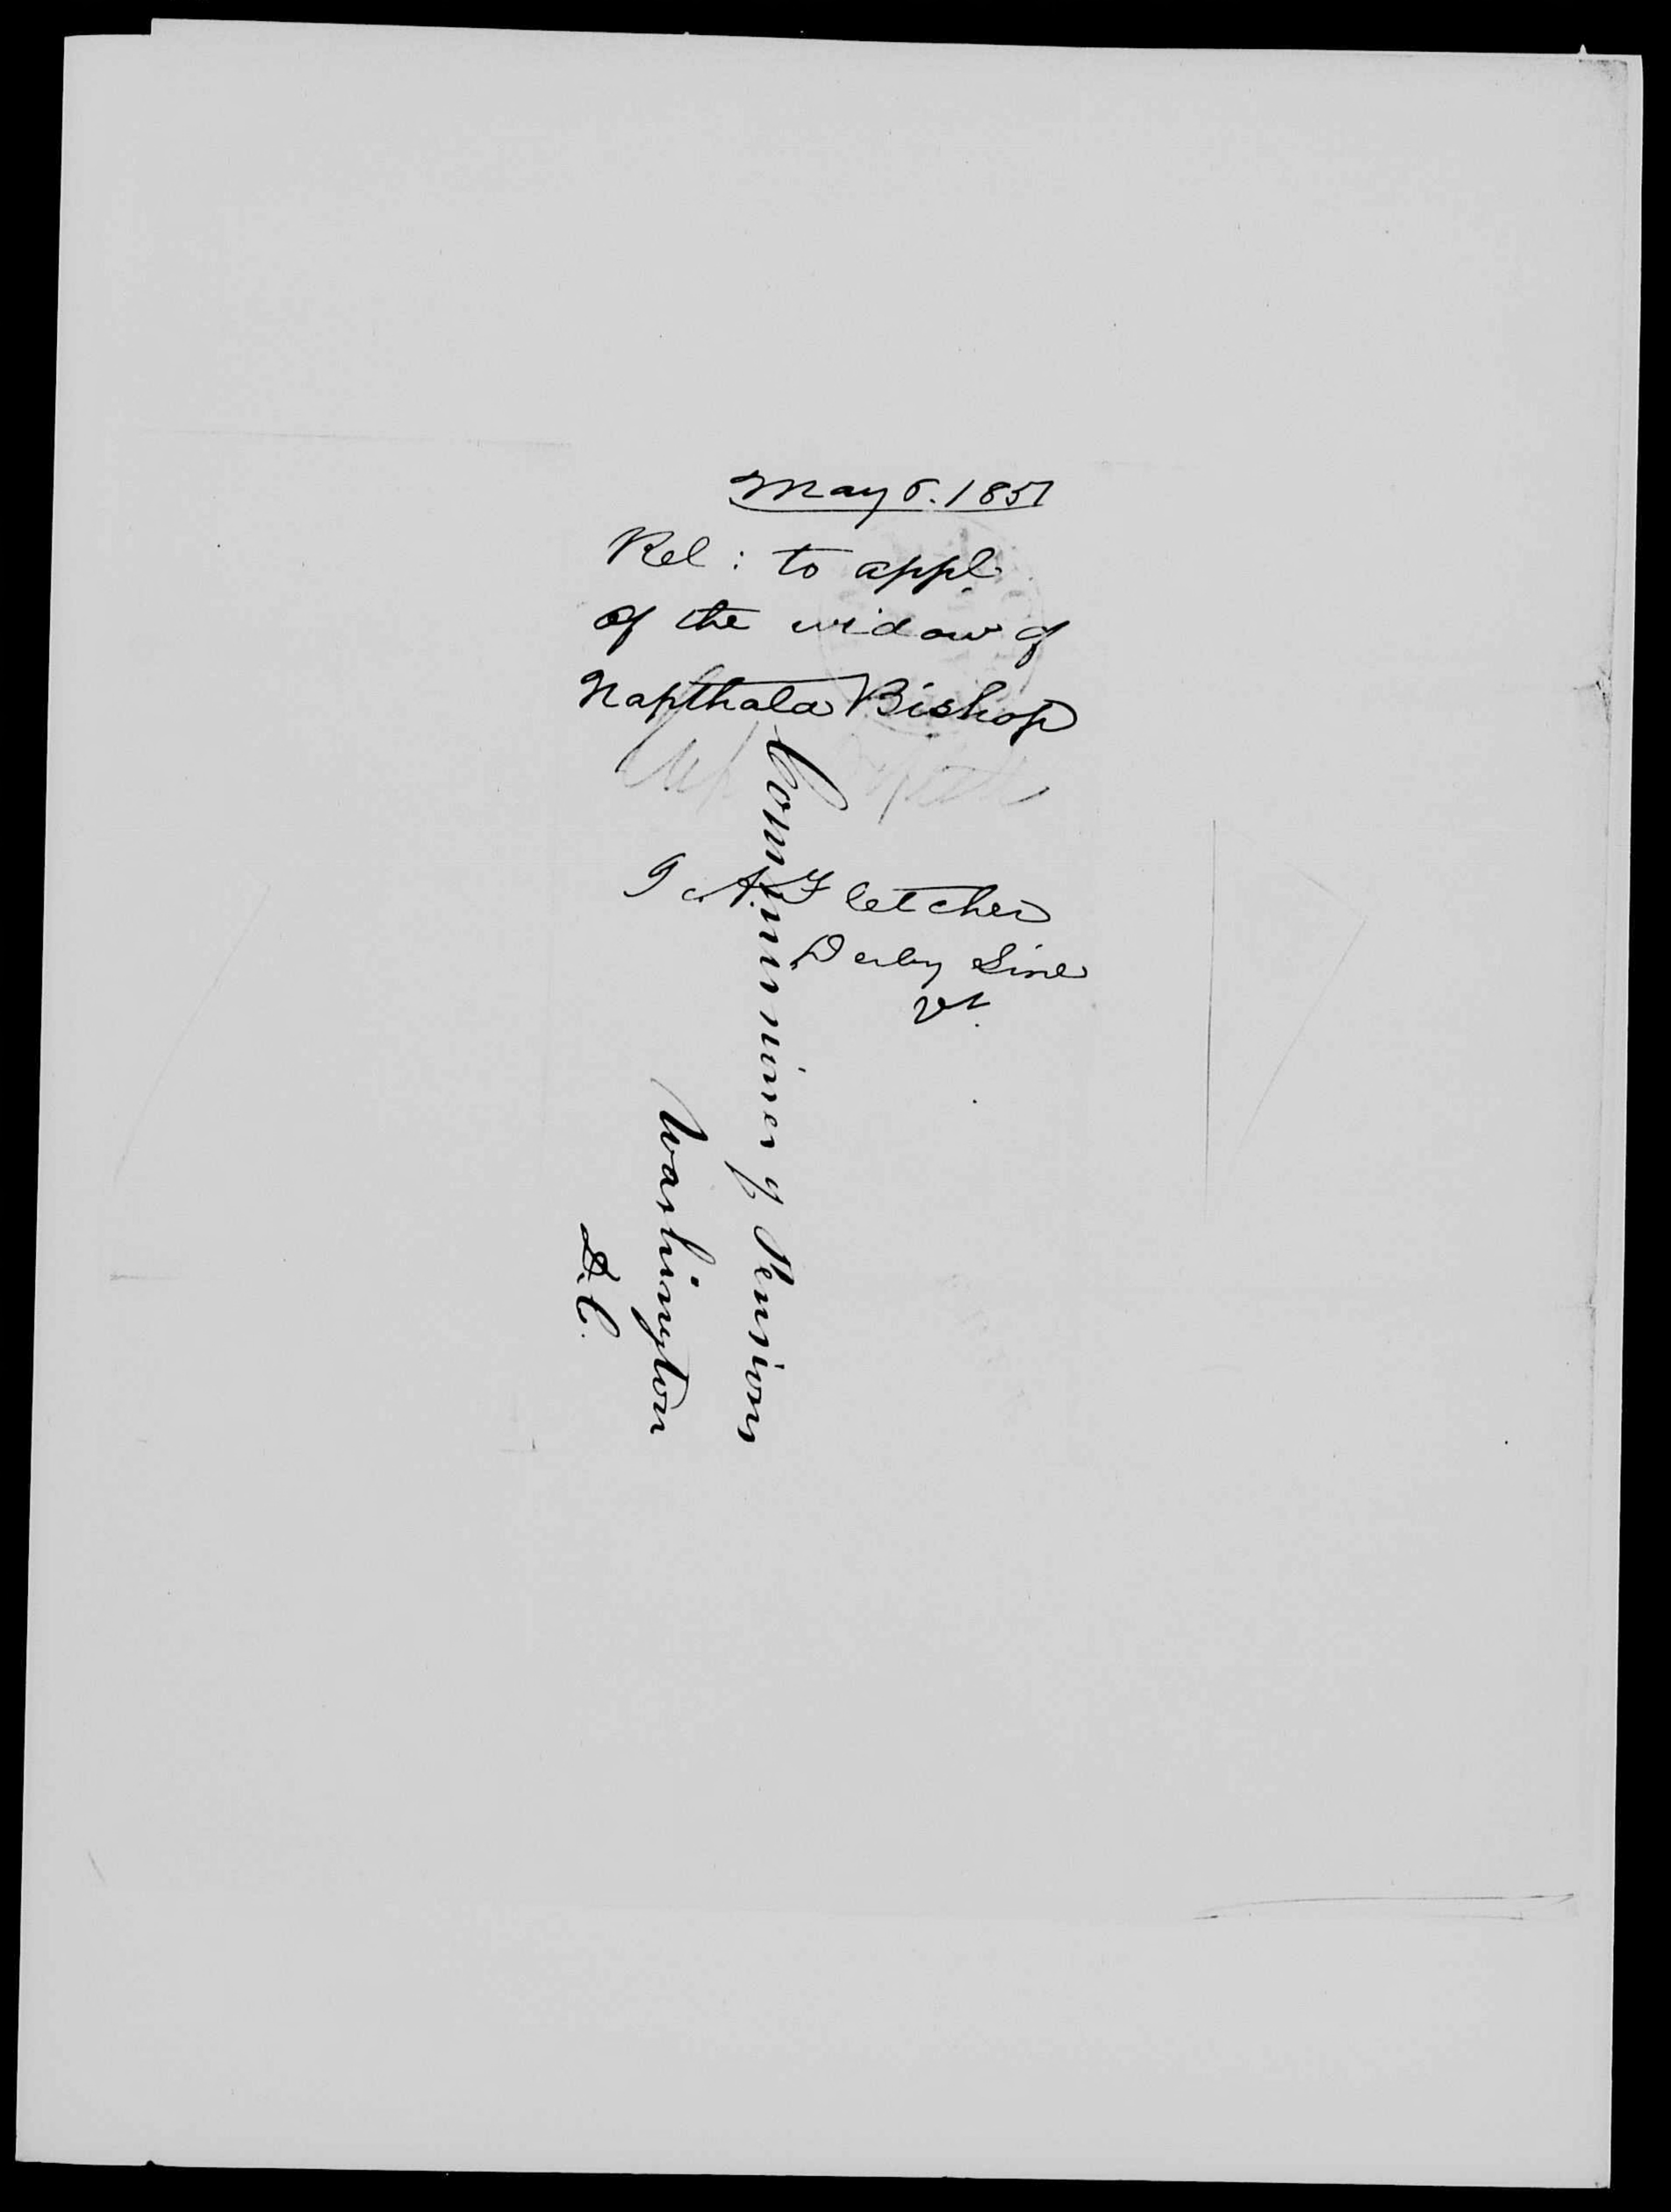May 5, 1851
Rel: to appl
of the widow of
Napthala Bishop
J A fletcher
Derby Line
Vt
Commissioner of Pensions
Washington
D.C.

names: J A Fletcher, Napthala Bishop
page: 16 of 27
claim: rejected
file: R. 865, Napthala Bishop, Vt.